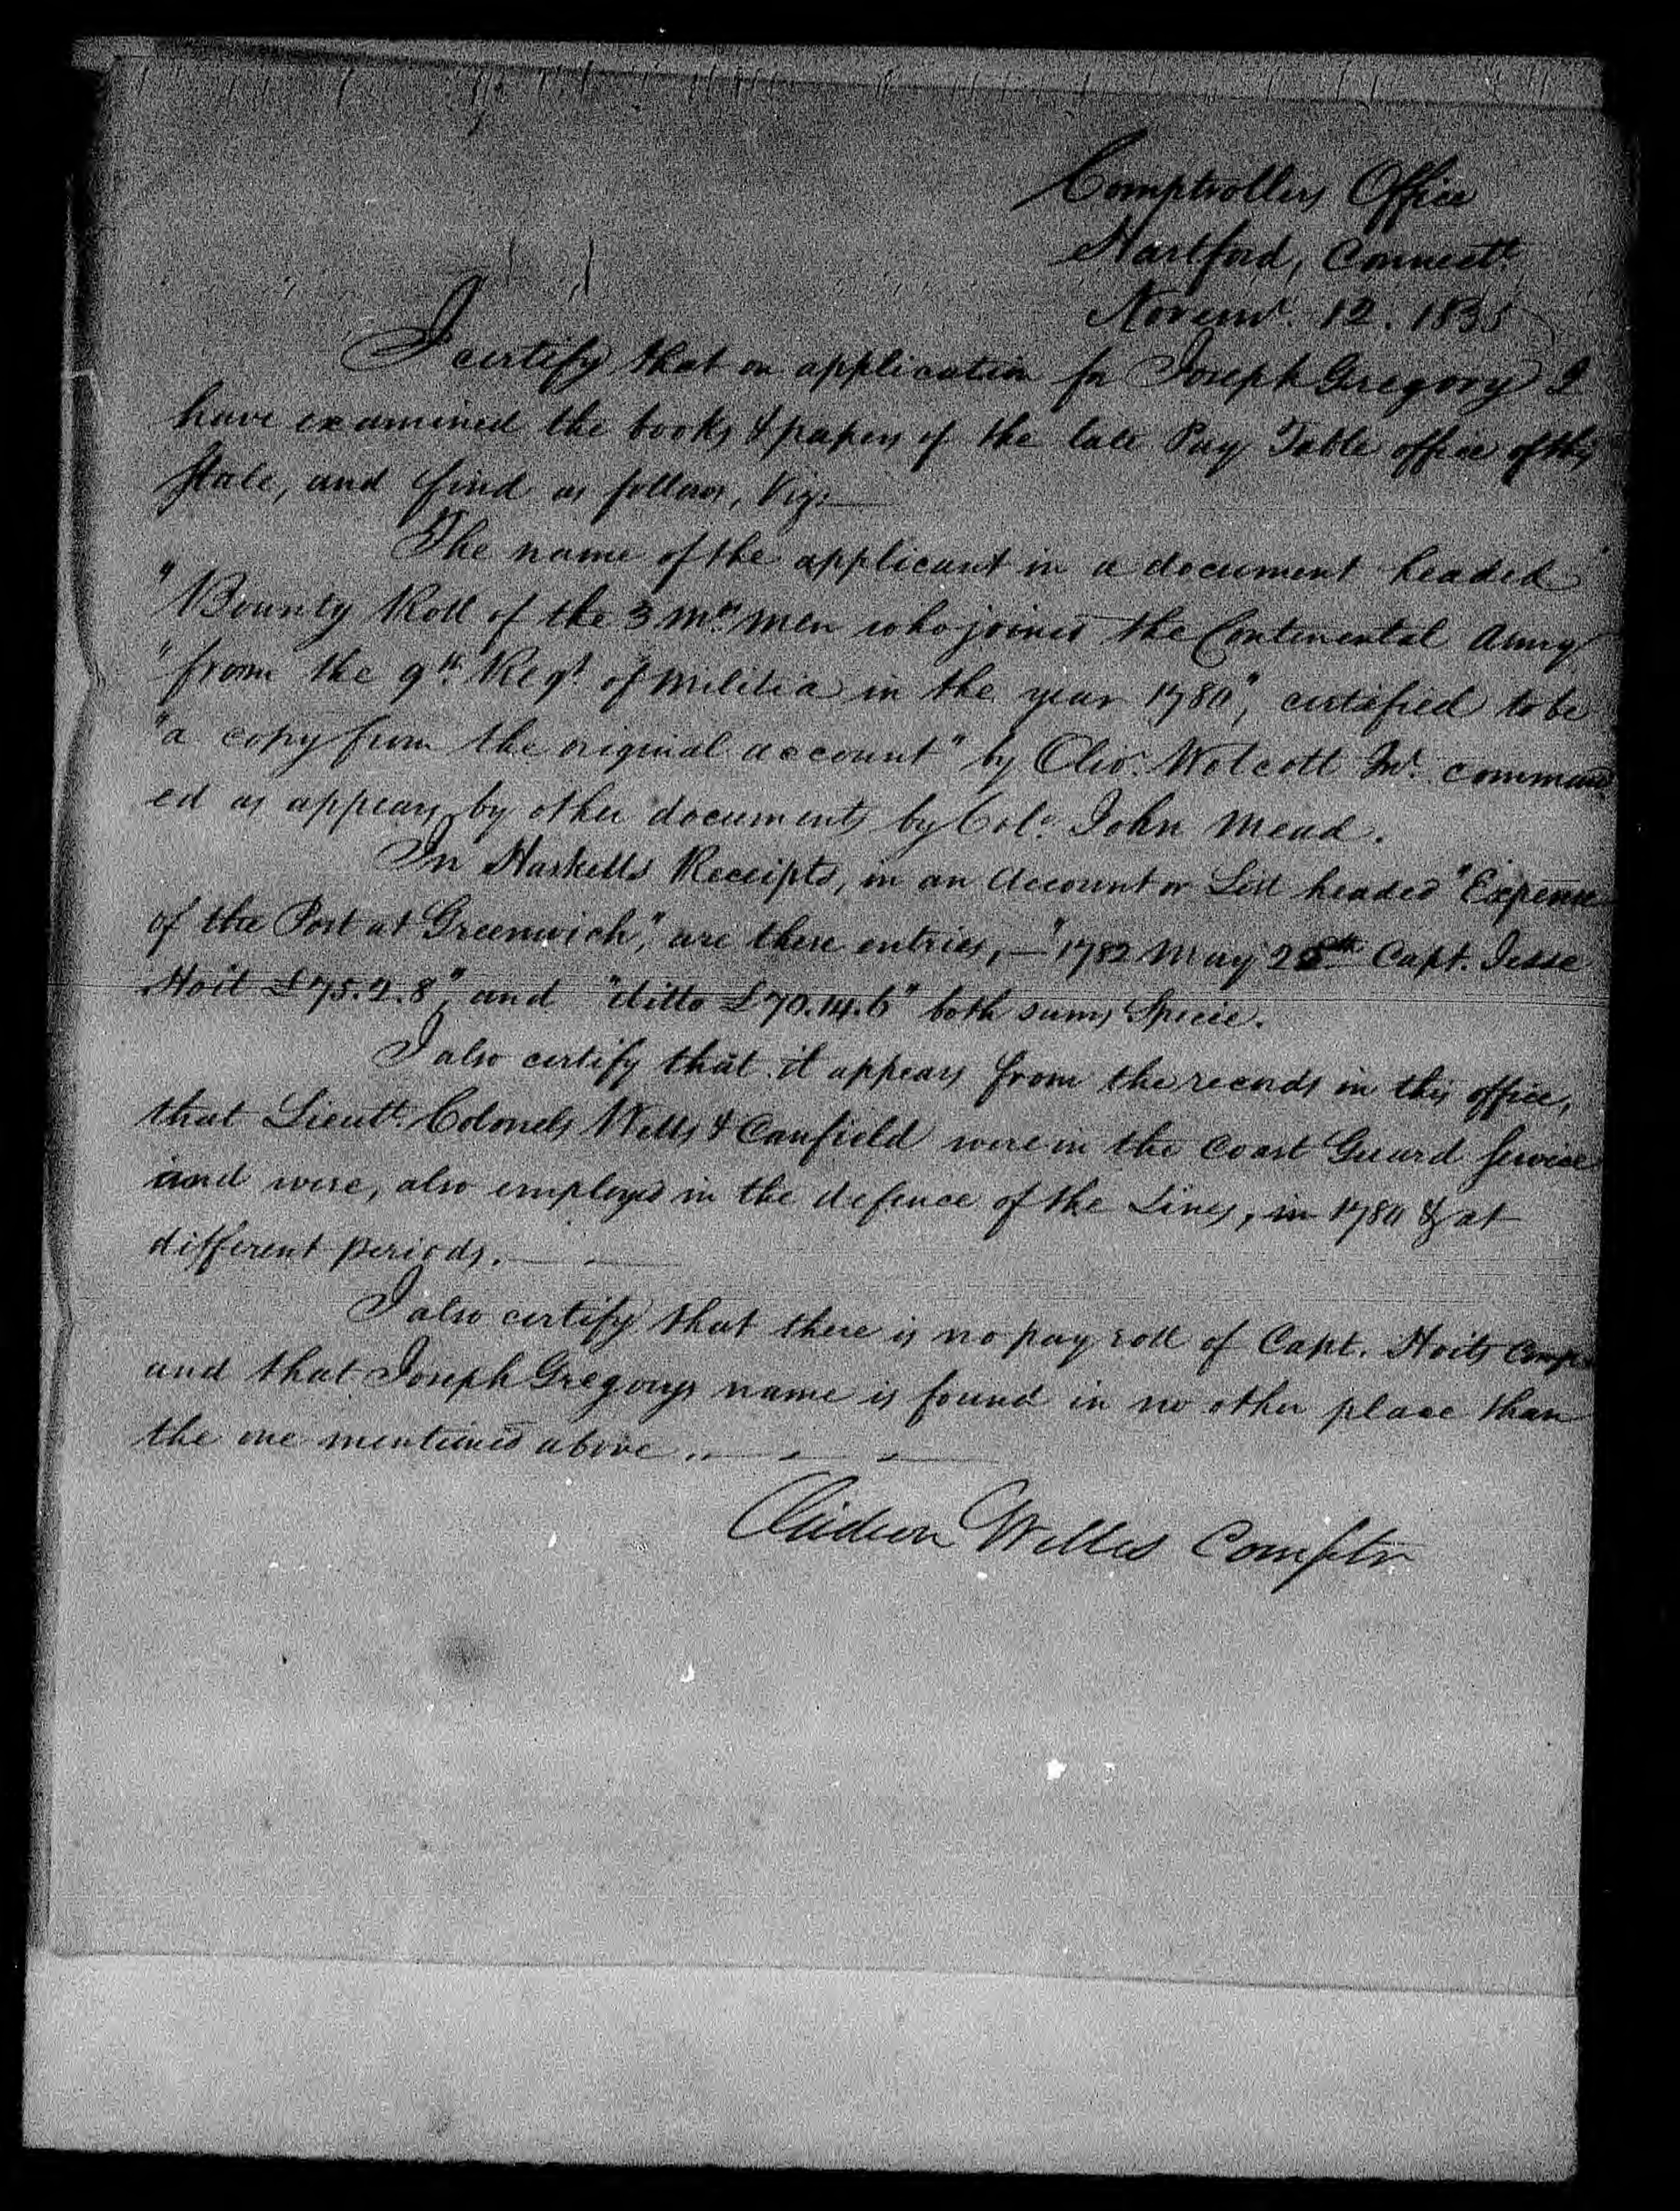[handwritten]
Comptrollers Office
Hartford, Connect
Novem 12. 1835
I certify that on application for Joseph Gregory I have examined the books & papers of the late Pay Table office of the
State, and find as follows, viz
The name of the applicant in a document headed "Bounty Roll of the 3 mo men who joined the Continental Army
"from the 9th Regt of Militia in the year 1780," certified to be
a copy from the original account by Oliv. Wolcott Jr commanded as appears by "other documents by Col John Mead.

In Haskells Receipts, in an account or List headed "Expenses
of the Port at Greenwich," are these entries, "1782 May 25th Capt Jesse
Hoit [British pound symbol] 75.2.8" and "ditto [British pound symbol] 70.14.6" both sums specie
I also certify that it appears from the records in this office,
that Lieut Colonels Wills & Canfield were in the Coast Guard served
and were, also employed in the defence of the Line, in 1780 & at
different periods
I also certify that there is no pay roll of Capt. Hoits comp
and that Joseph Gregorys name is found in no other place that the
one mentioned above
[signed] Gideon Welles Compt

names: Jesse Hoit, Olivr Wolcott, John Mead, Joseph Gregory, Gideon Welles, Joseph Gregory, Canfield, Wells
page: 32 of 34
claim: widow's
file: W. 1596, Joseph Gregory, Conn.